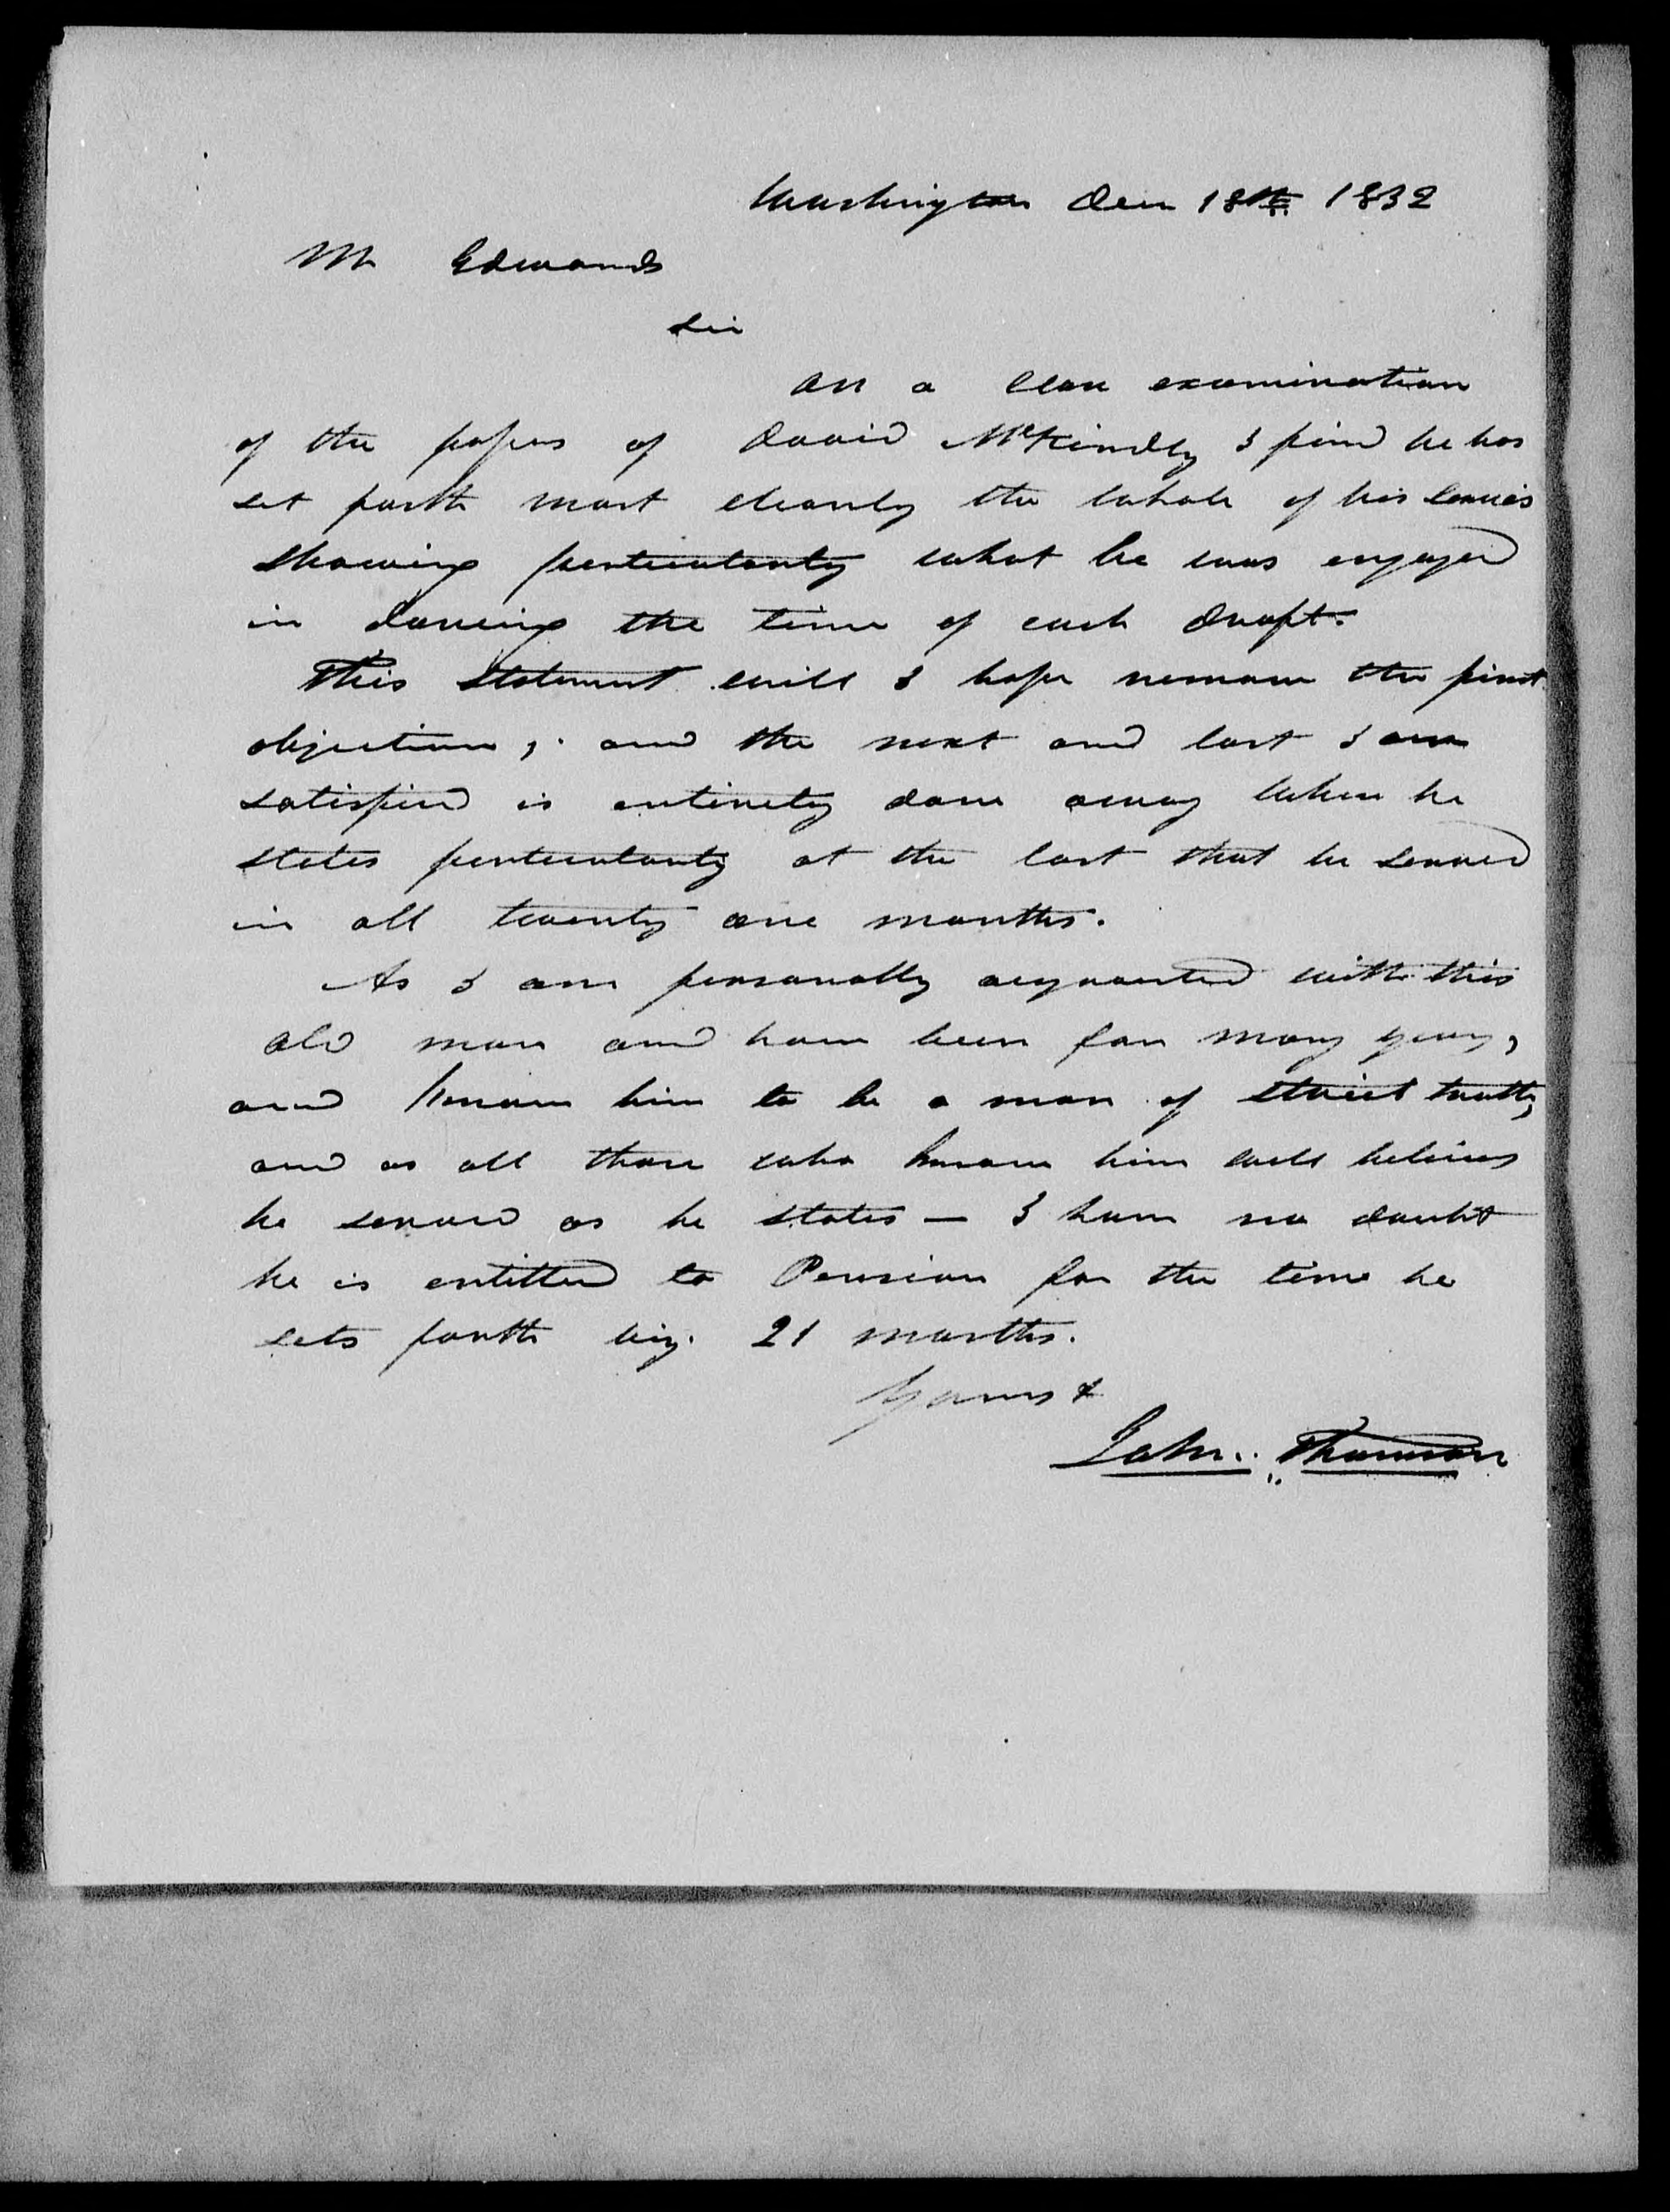Washington Dec 18th 1832

Mr Edmonds
Sir

On a close examination
of the papers of David McKinley I find he has
set forth most clearly the whole of his services
showing particularly what he was engaged
in during the time of each draft.

This statement will I hope remove the first
objection, and the next and last I am
satisfied is entirely done away when he
states particularly at the last that he served
in all twenty one months.

As I am personally acquainted with this
old man and have been for many years,
and know him to be a man of strict truth,
and as all those who know him well believe
he served as he states - I have no doubt
he is entitled to Pension for the time he
sets forth, viz. 21 months.

James &
John Thomson [signature in different hand]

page: 15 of 39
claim: survivor's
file: S. 2812, for David Mc Kinley, Pennsylvania